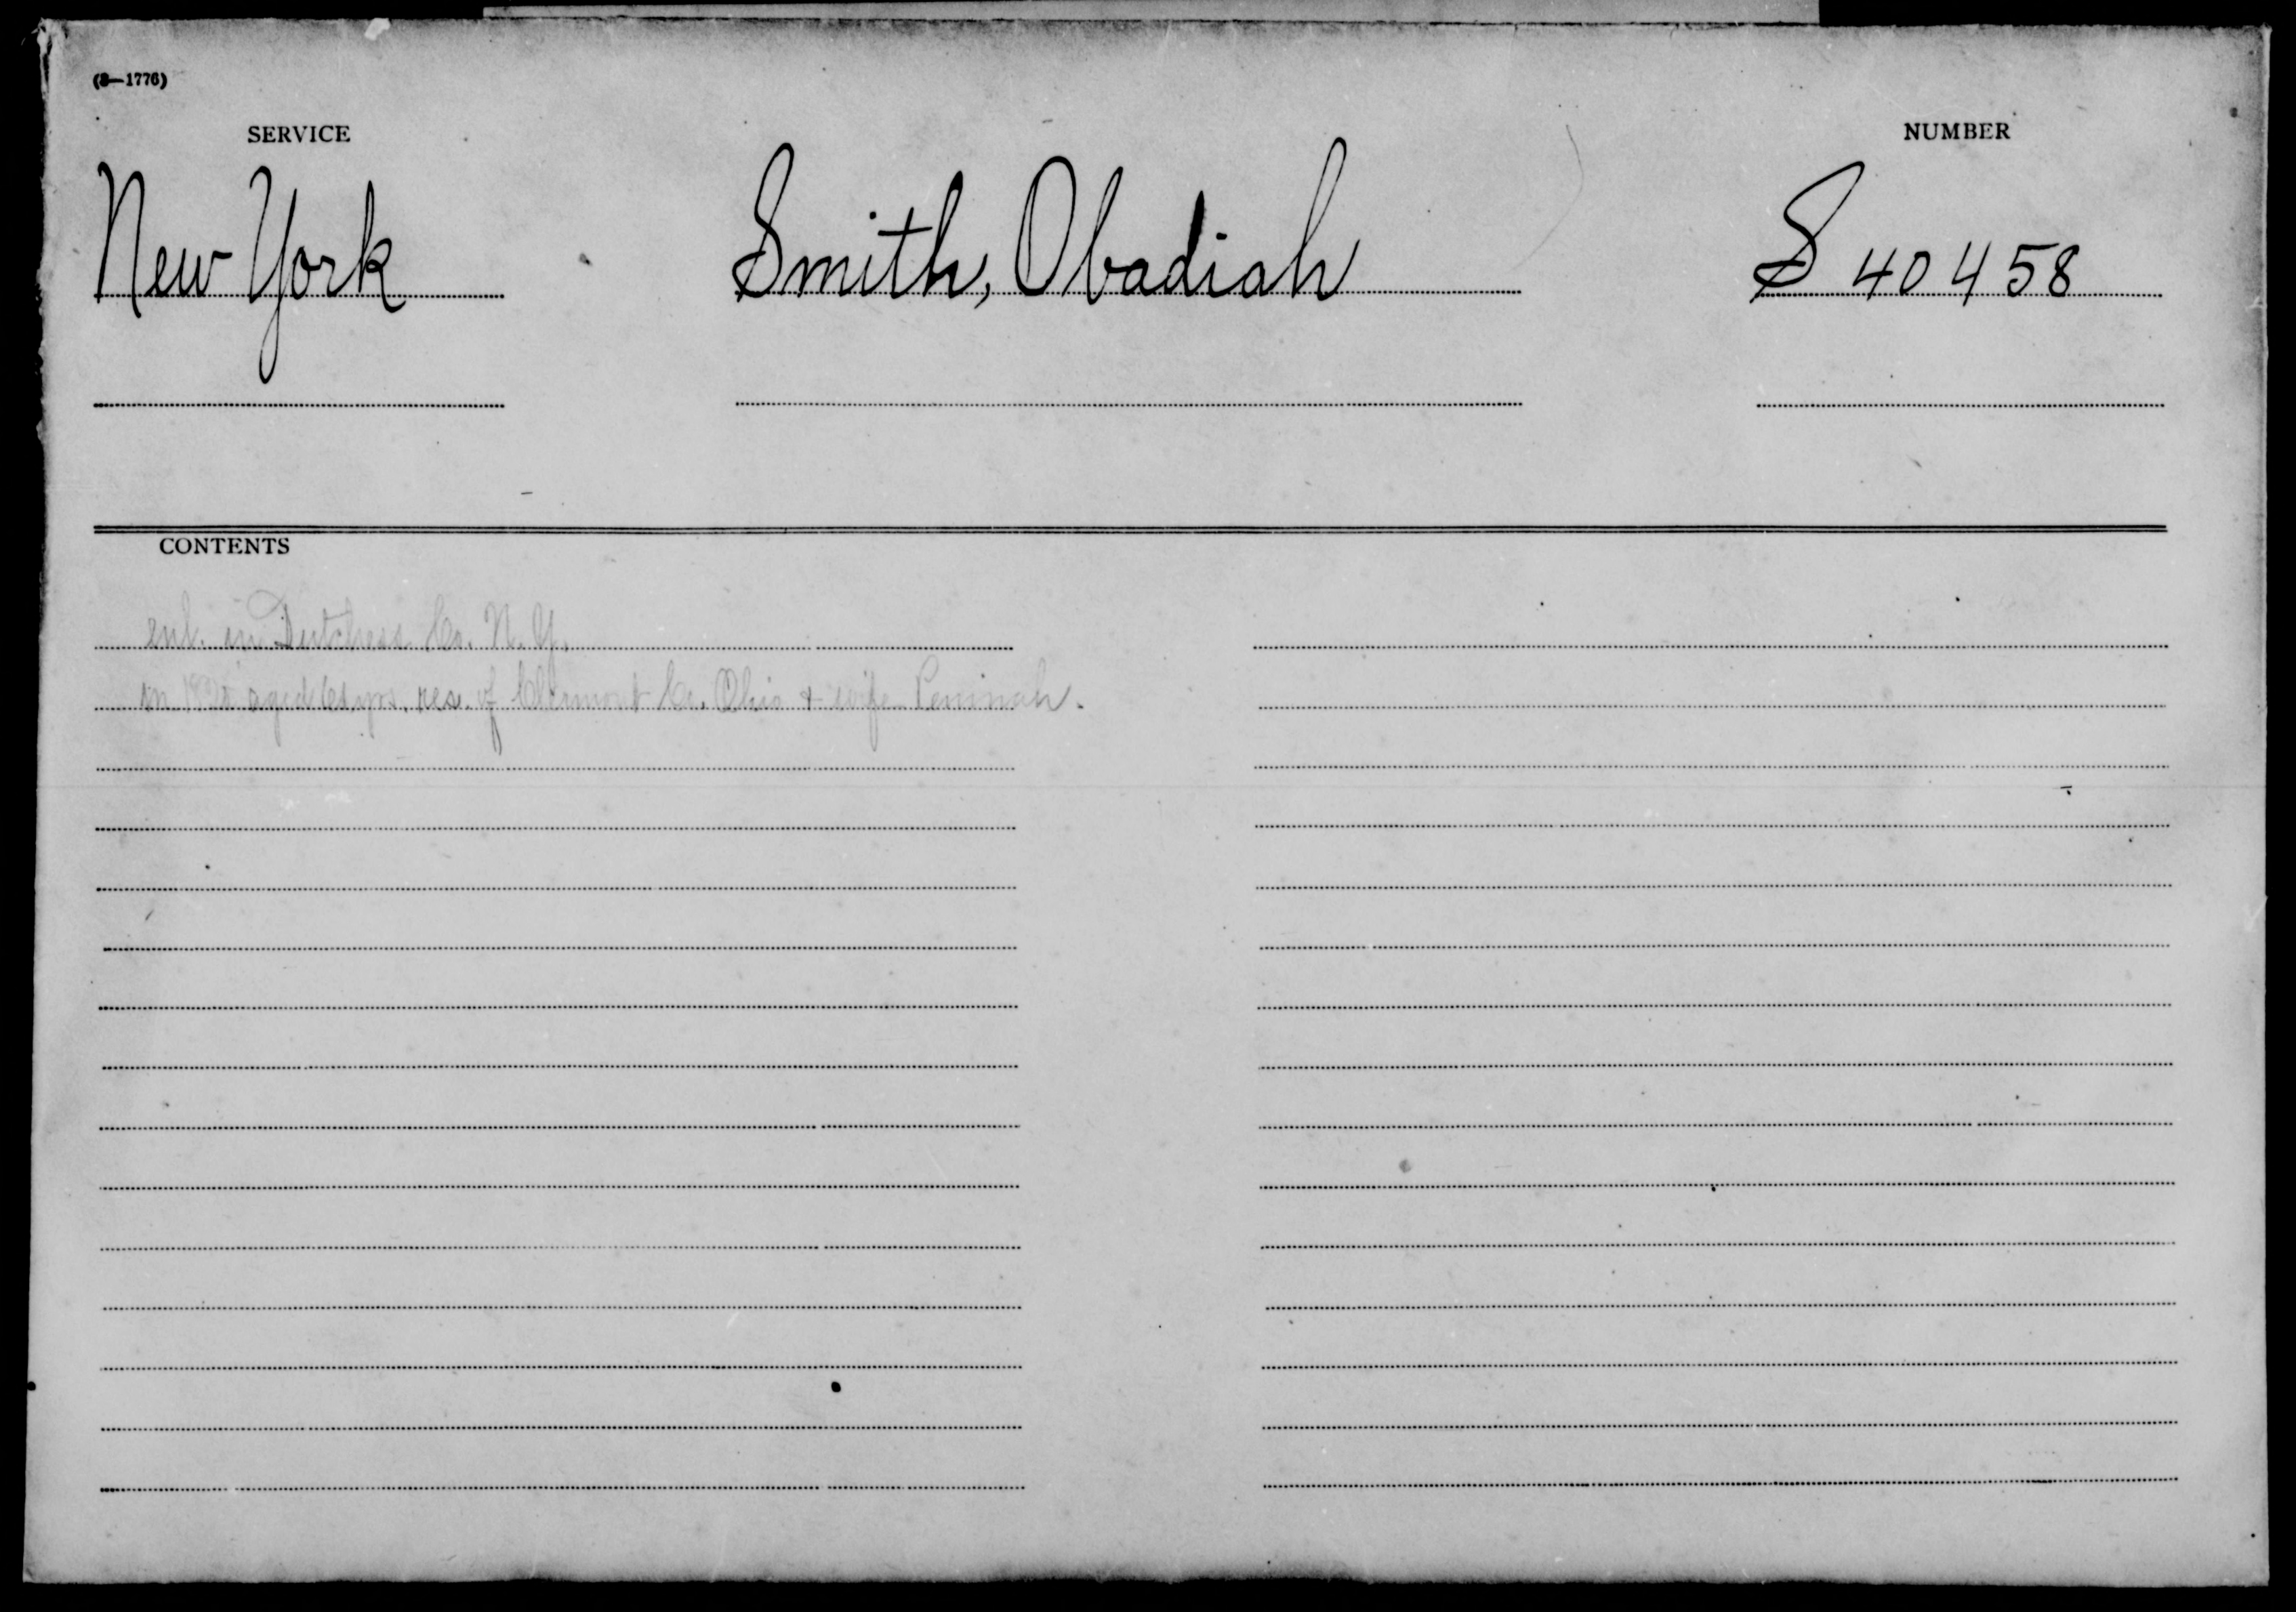(3--1776) SERVICE New York Smith, Obadiah 
NUMBER S 40458 
CONTENTS 
enl in Dutchess Co. N. Y. 
in 1821 aged 62 yrs. res. of Clermont Co. Ohio & wife Peninah.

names: [BLANK]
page: 1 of 66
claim: survivor's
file: S 40458, for Obadiah Smith, New York